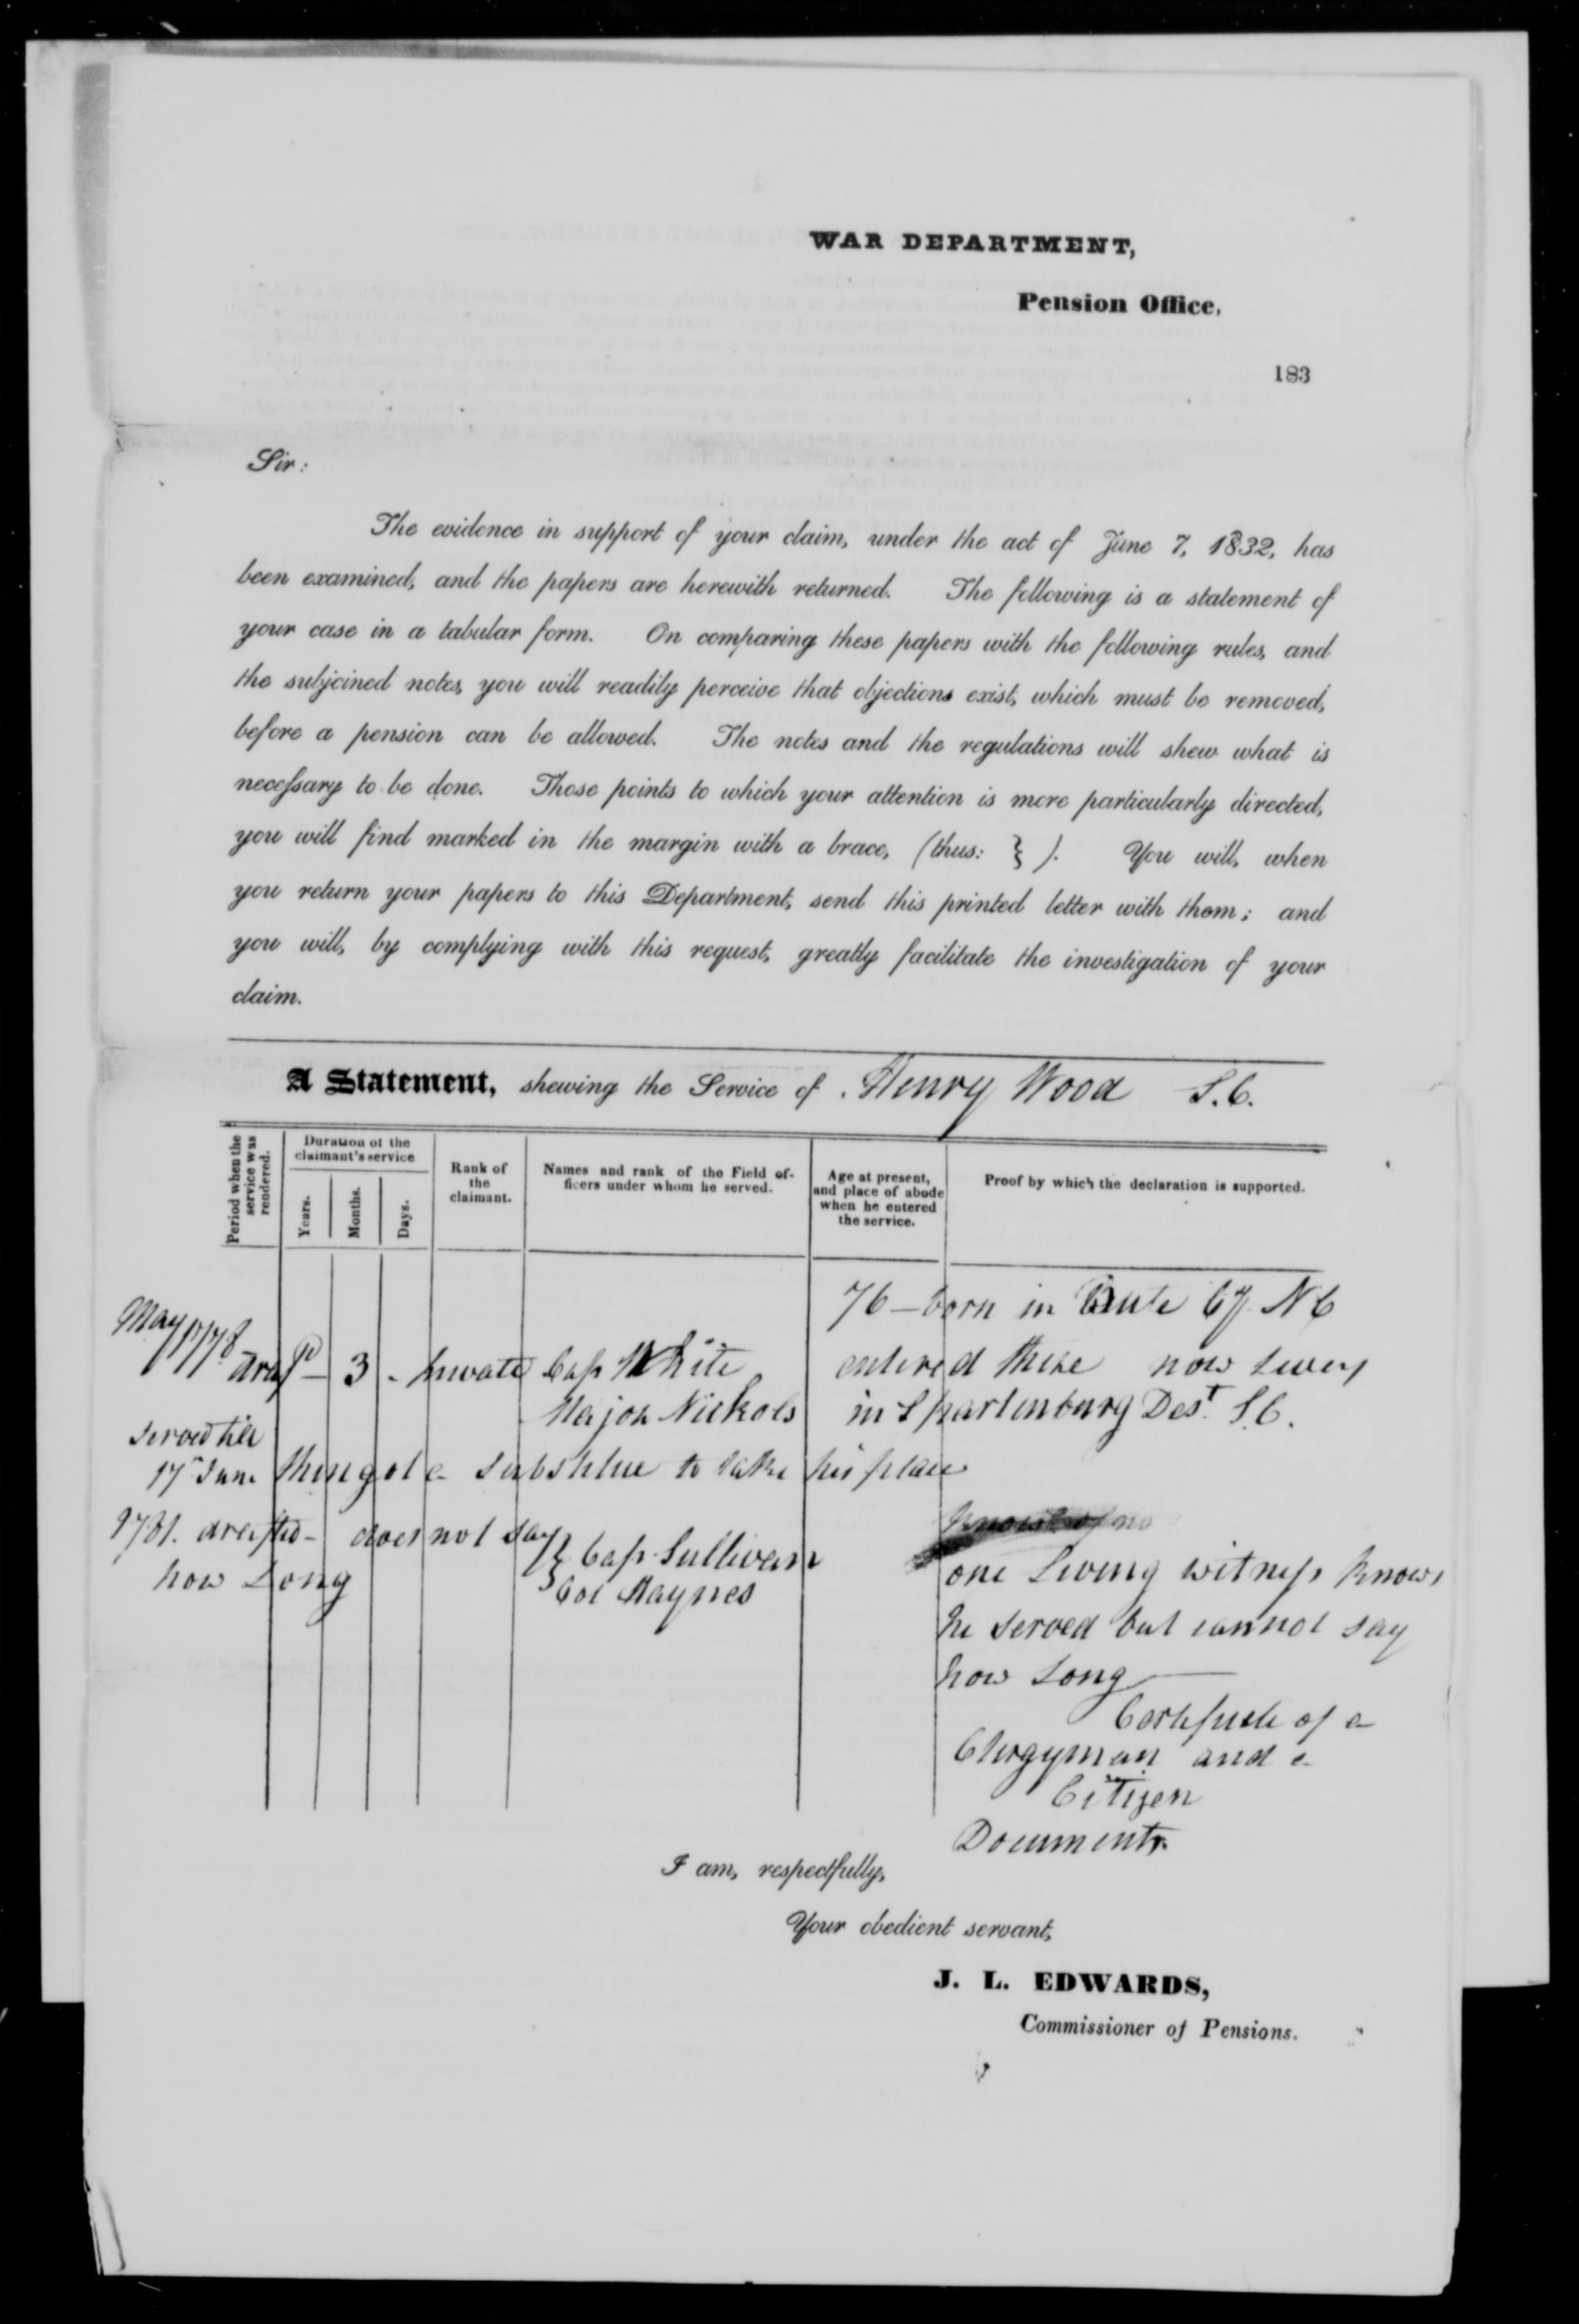Sir:
The evidence in support of your claim under the Act of June 7, 1832 has been examined and the papers are herewith returned.  The following is a statement of your case in tabular form.  On comparing these papers with the following rules and the subjcined notes, you will readily perceive that objections exist, which must be removed before a pension can be allowed.  The rules and the regulations will show what is necessary to be done.  The notes and the regulations will show what is necessary to be done.  Those points to which your attention is more particularly directed you will find marked in the margin with a brace, (thus: ]).  You will, when you return your papers to this Department, send this printed letter with them; and you will, by complying with this request, greatly facilitate the investigation of your claim.
A STATEMENT, showing the service of Henry Wood, S.C.
76 - born in Bute of NC entered there now lives in Spartanburg Dist SC
May 1778 May 3 private Capt White Major Nichols
Served till 17 Jun then got substitute to take his place
1781 drafted - does not say how long Capt Sullivan Col Mayfield
one living witness knows he served but cannot say how long - Certificate of a clergyman and a citizen  Documentation
I am respectfully, your obedient servant, J.L Edwards, Commissioner of Pensions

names: J L Edwards, Nickols, Haynes, White, Sullivan, Henry Wood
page: 11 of 40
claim: rejected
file: R. 11785, Henry Wood, N. C.